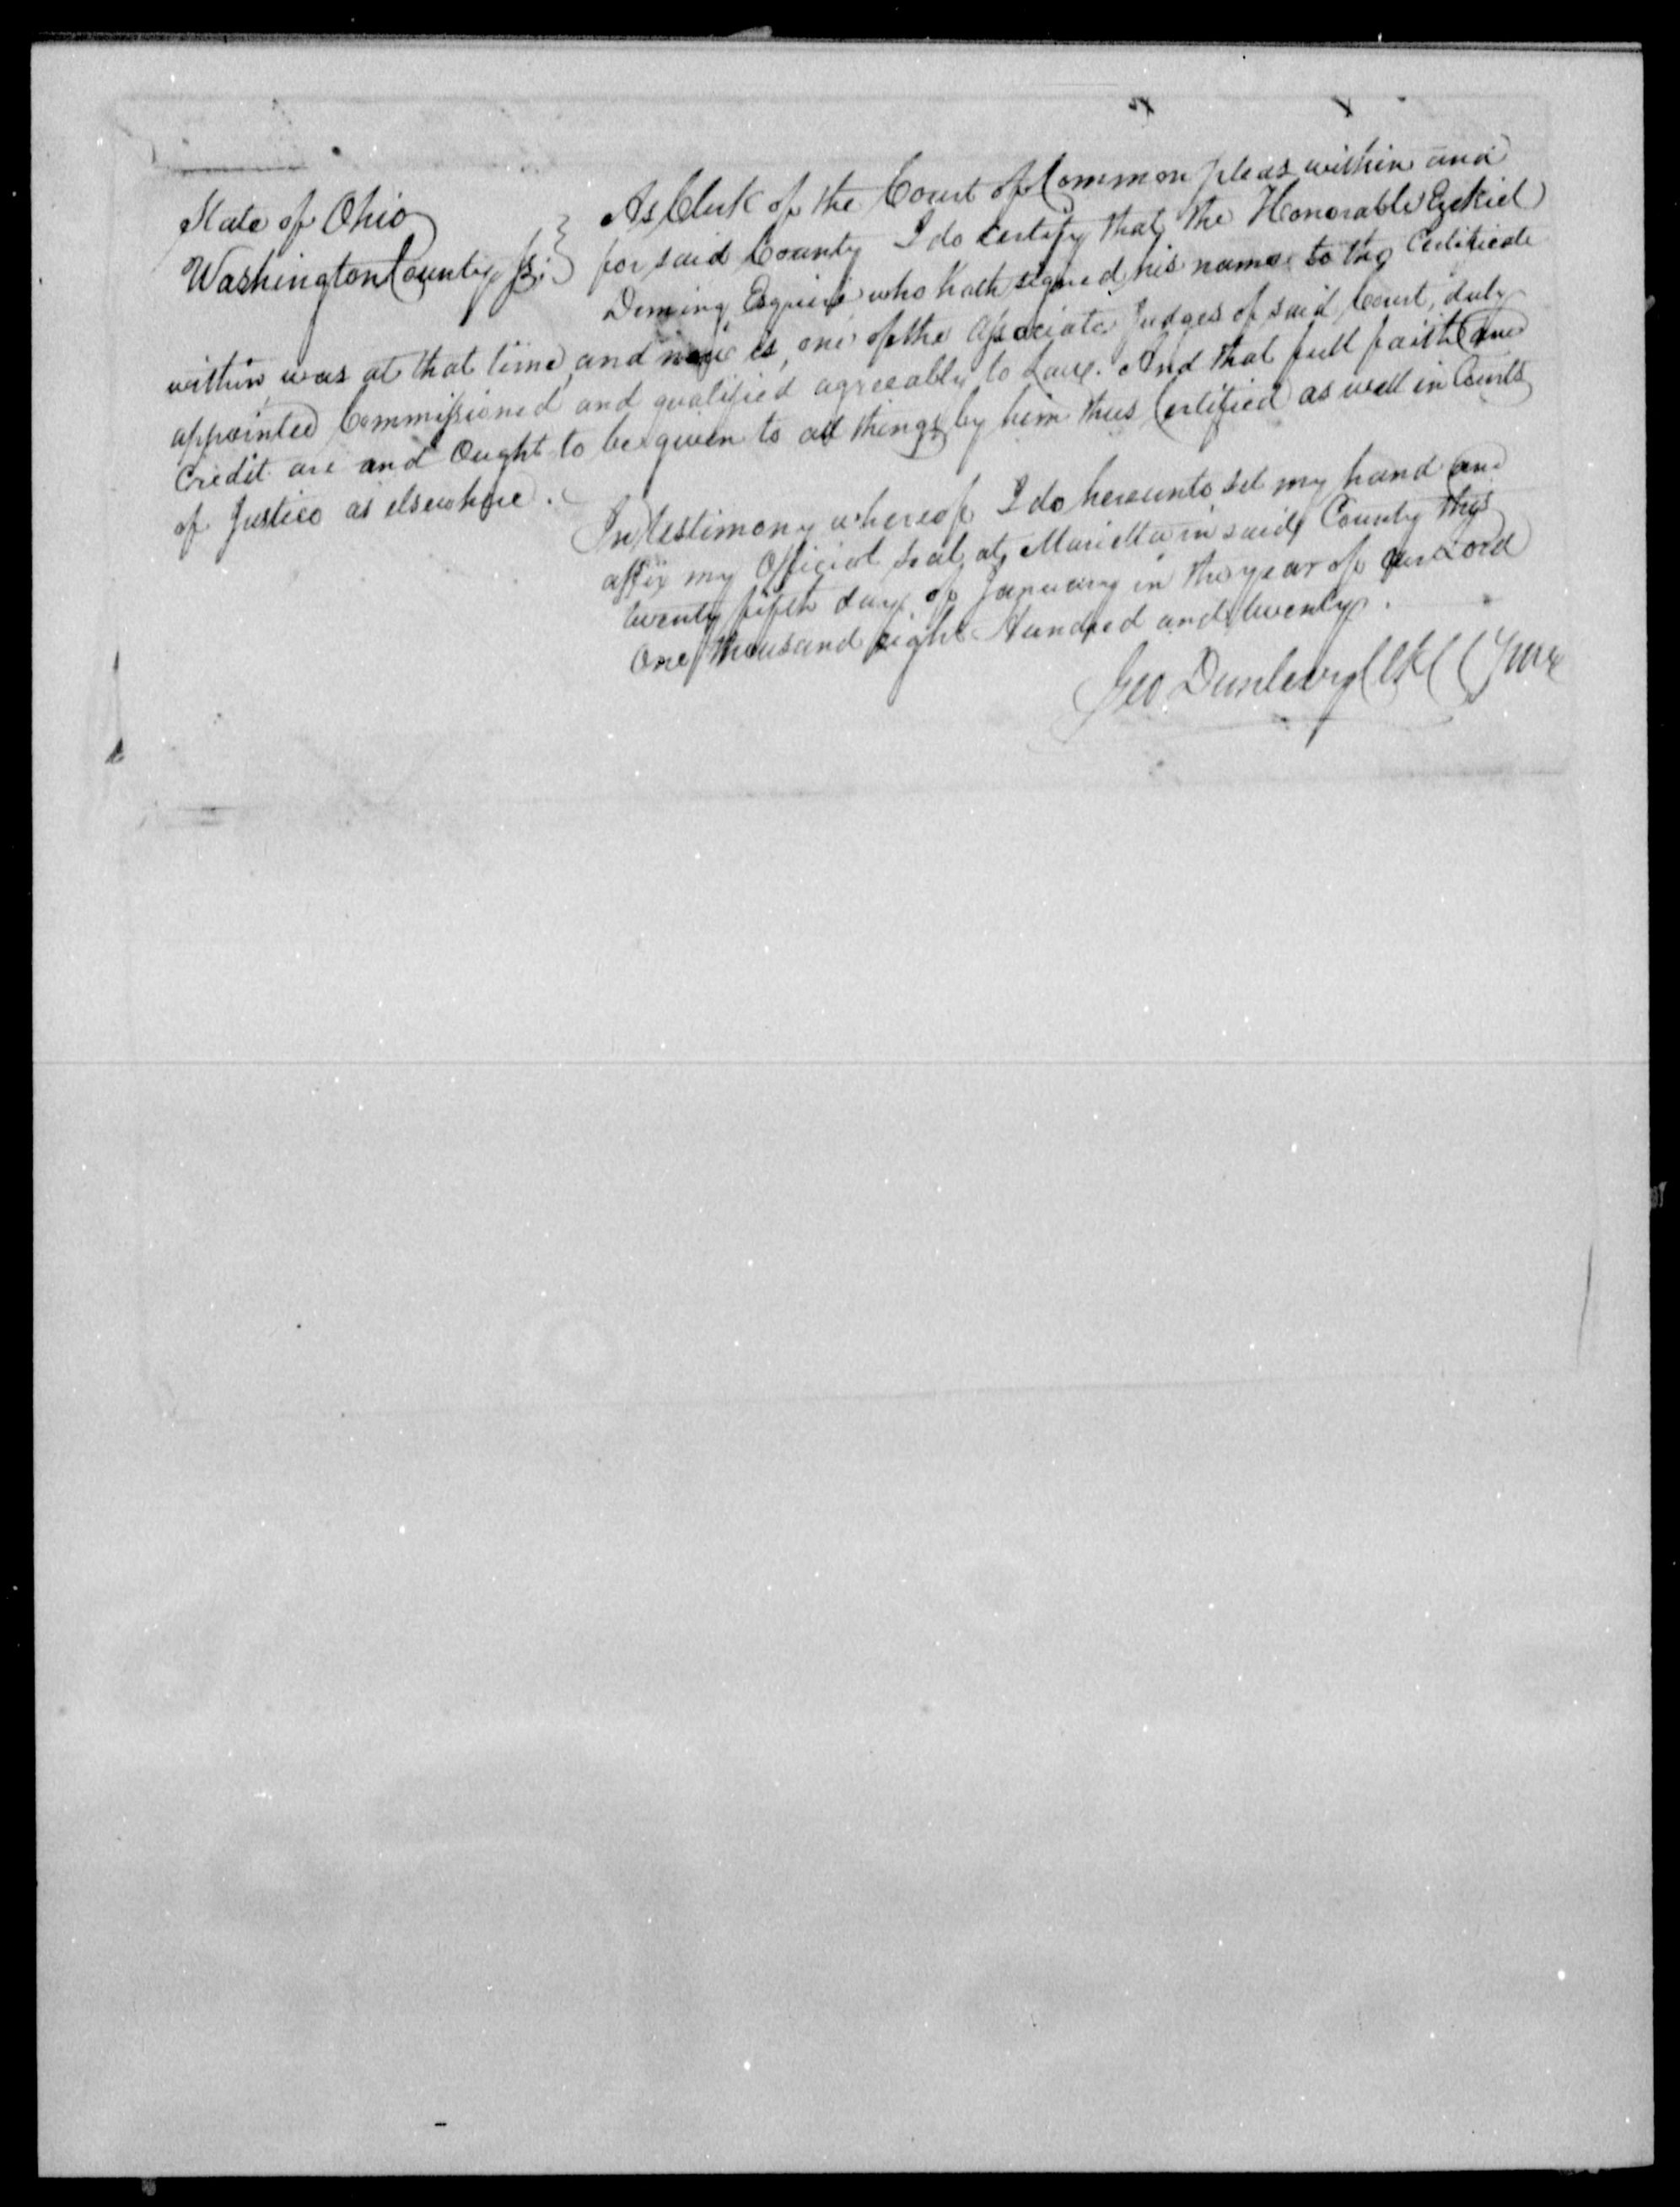State of Ohio
Washington County
As Clerk of the Court of Common Please within and for said County I do certify the Honorable Ezekiel Deming Esquire who hath sighed his name to the certificate within was at the time and now is one of the Associate Judges of said Court duly appointed Commissioned and qualified agreeably to Law. And that full faith and Credit are and Ought to be given to all things by him this Certified as well in Court of Justice as elsewhere. 
In testimony whereof I do hereunto [illegible] my hand and affix my Official seal at Marietta in said County this twenty fifth day of January in the year of our Lord One Thousand eight Hundred and twenty
Geo Dunlevy Clk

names: Geo Dunlevy; Ezekiel Deming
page: 15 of 20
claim: survivor's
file: S. 40,990, for John Mc Cush Robert Ray, Pennsylvania